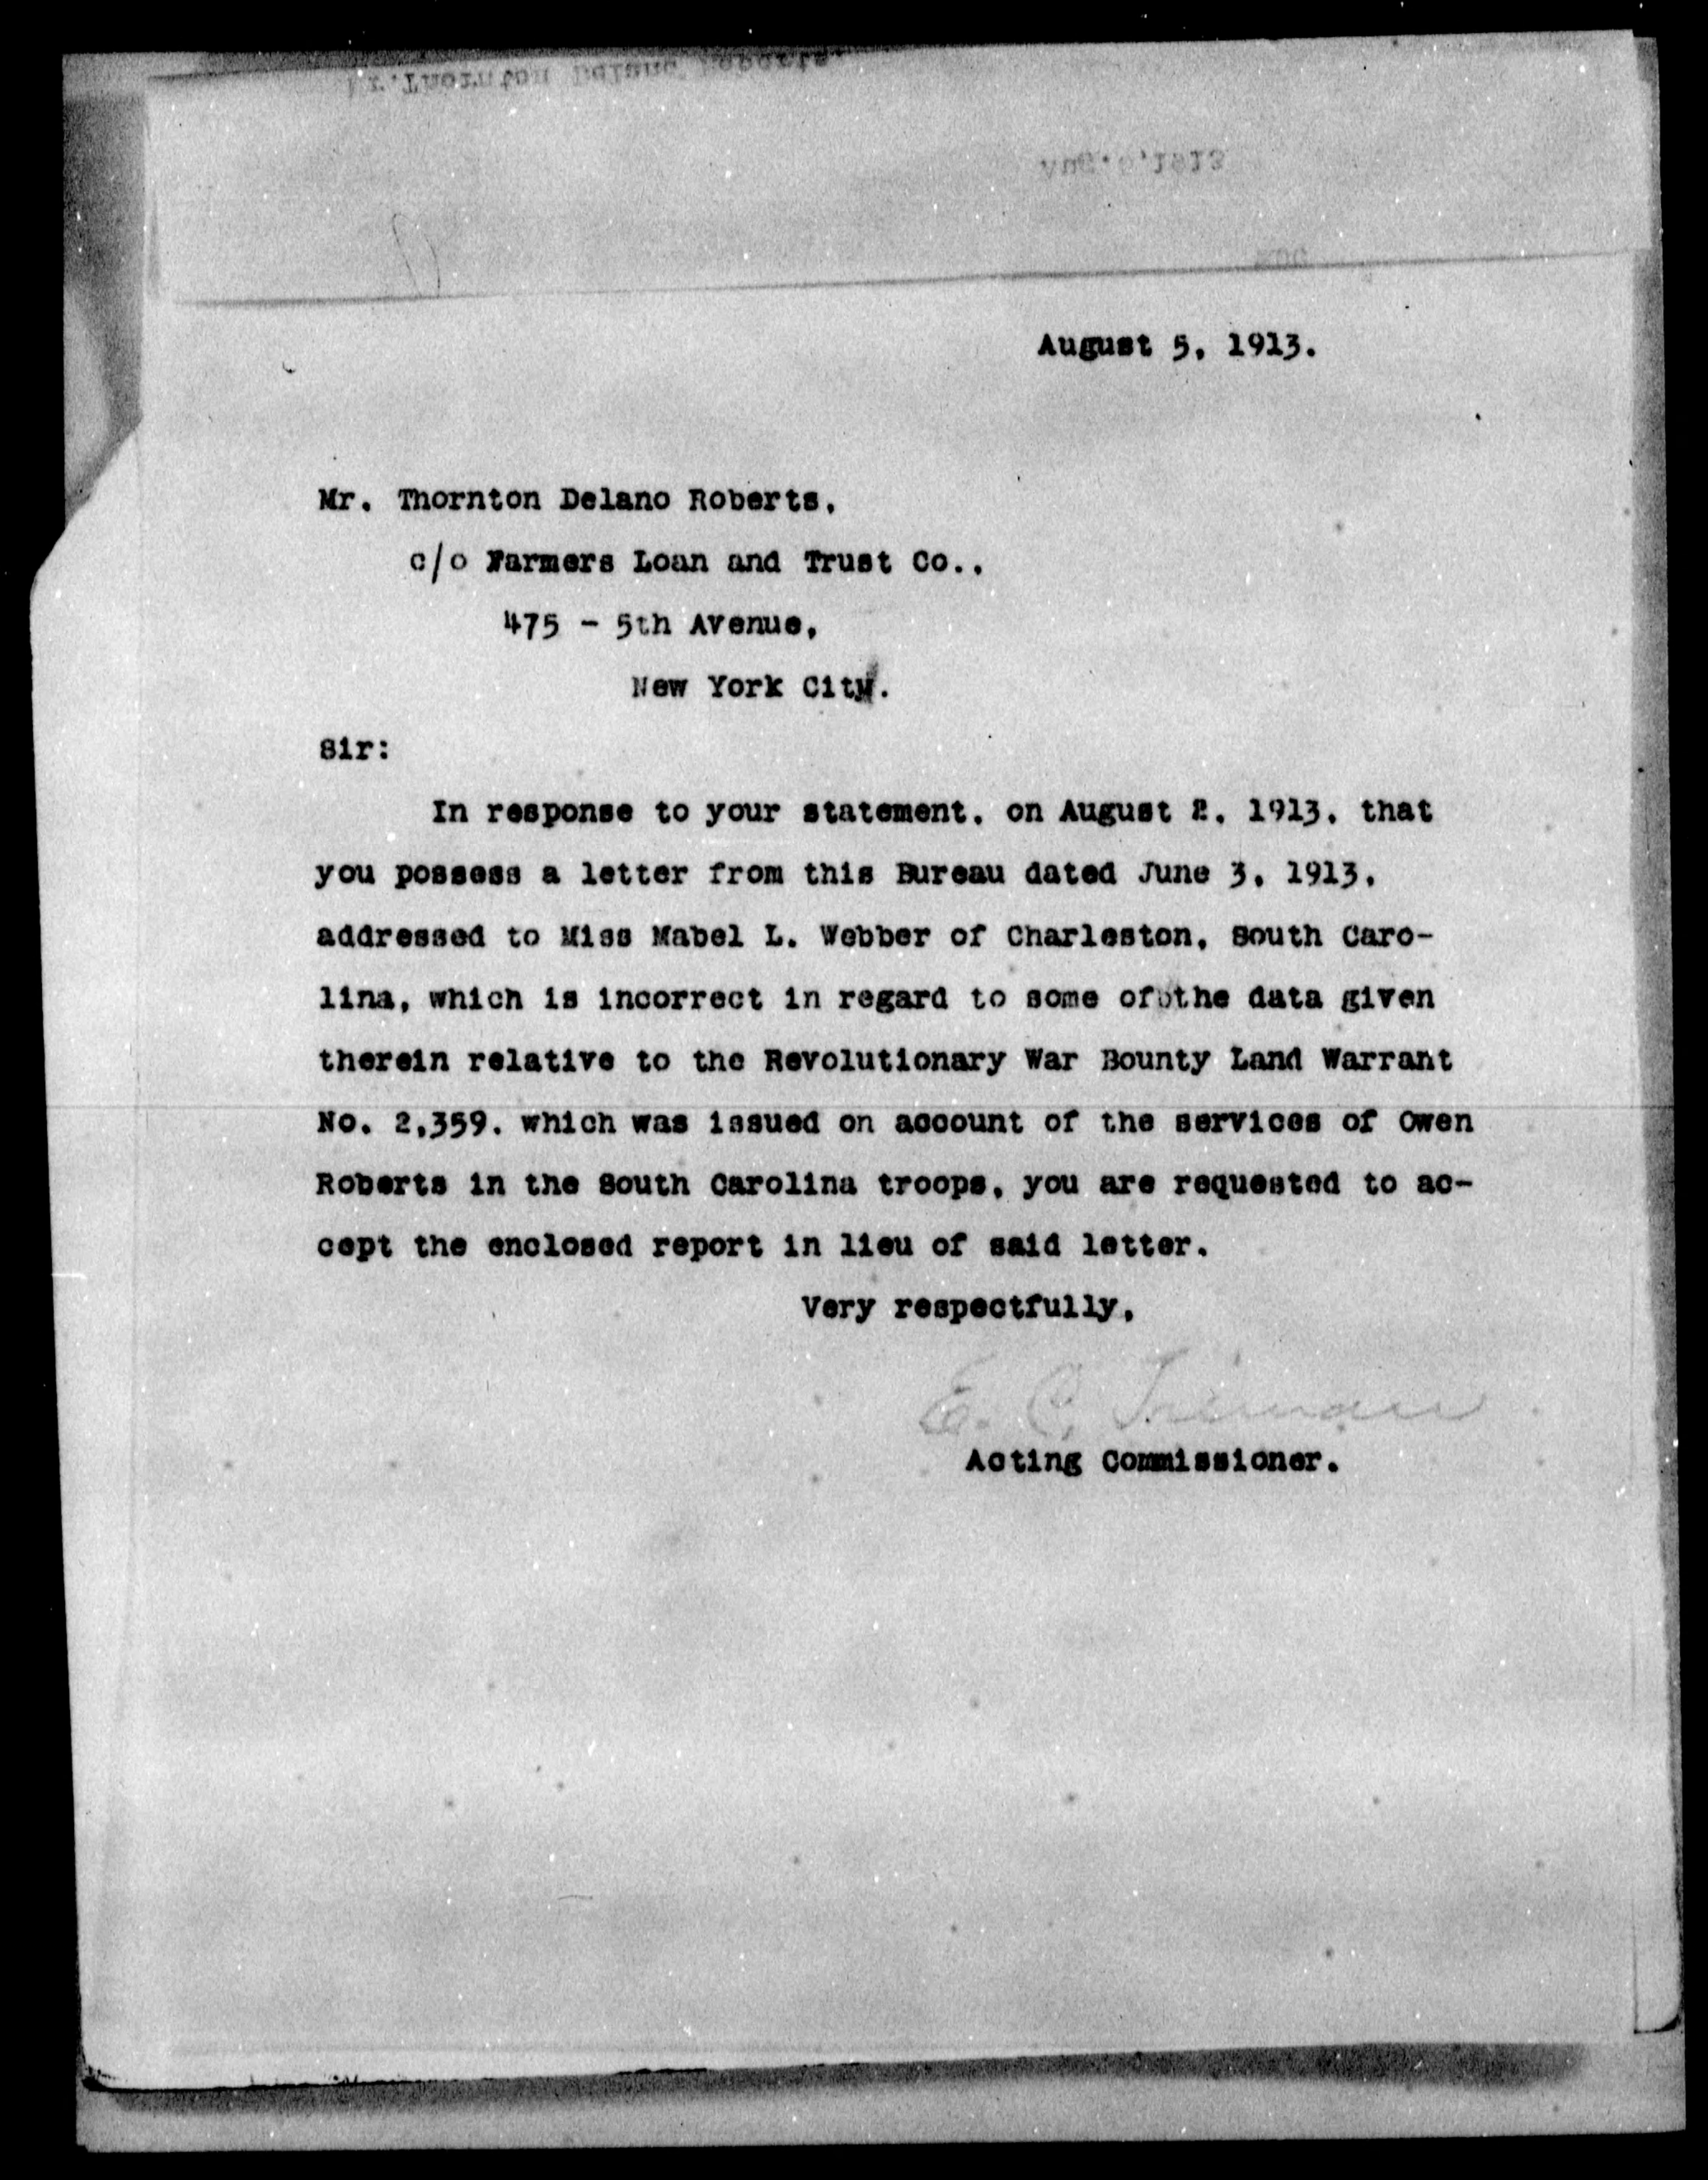August 5, 1913.
Mr. Thornton Delano Roberts.
c/o Farmers Loan and Trust Co.,
475 - 5th Avenue,
New York City.
Sir:
In response to your statement, on August 2, 1913, that you possess a letter from this Bureau dated June 3, 1913, addressed to Miss Mabel L. Webber of Charleston, South Carolina, 
which is incorrect in regard to some of the data given therein relative to the Revolutionary War Bounty Land Warrant No. 2,359. which was issued on account of the services of Owen Roberts in the South Carolina troops, you are requested to accept the enclosed report in lieu of said letter.
Very respectfully,
E.C. Truman
Acting Commissioner.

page: 50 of 59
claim: bounty land warrant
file: B.L.Wt. 2359-500, for Owen Roberts, South Carolina